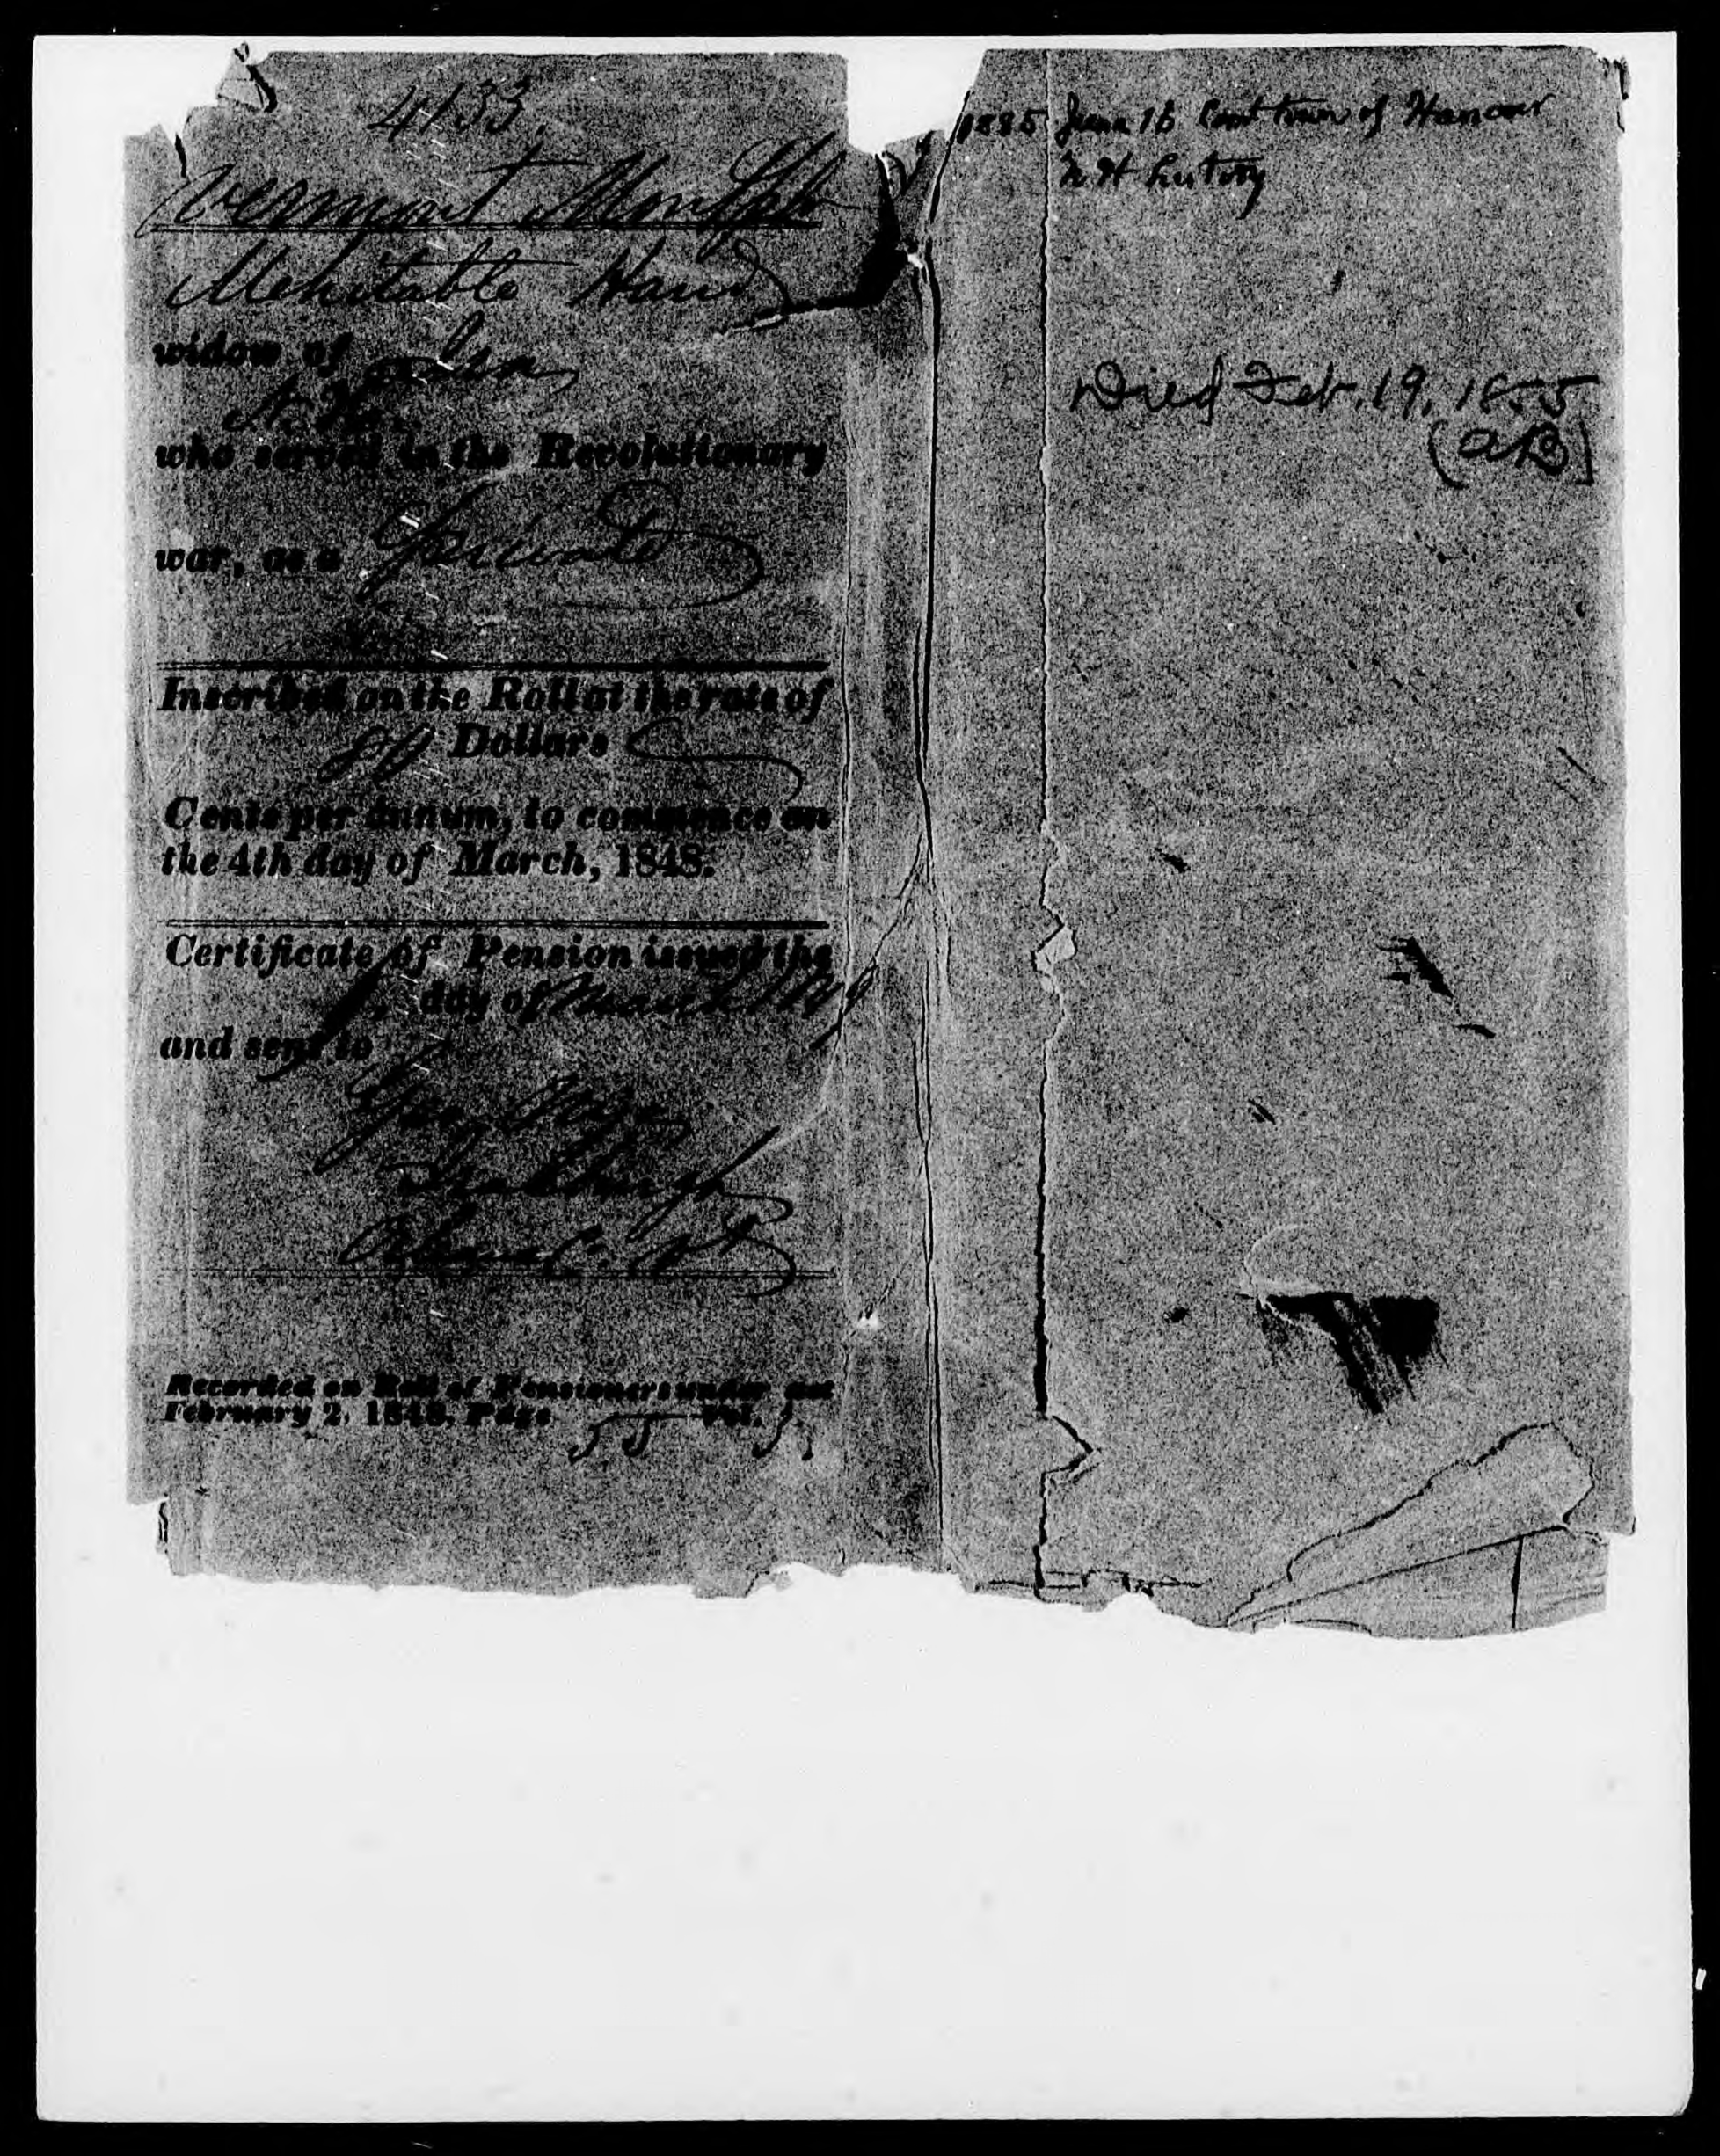4133
Vermont
Mehitable Hand
Widow of Ira Hand
Who served in the revolutionary War
as a private, in order on the roll of private 11 dollars
on the 4th day of March 1848
Certificate of pension issued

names: Ira Hand, Geo Nye, Mehitable Hand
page: 2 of 42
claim: widow's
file: W. 19,722, Ira Hand, N.H. Vt.